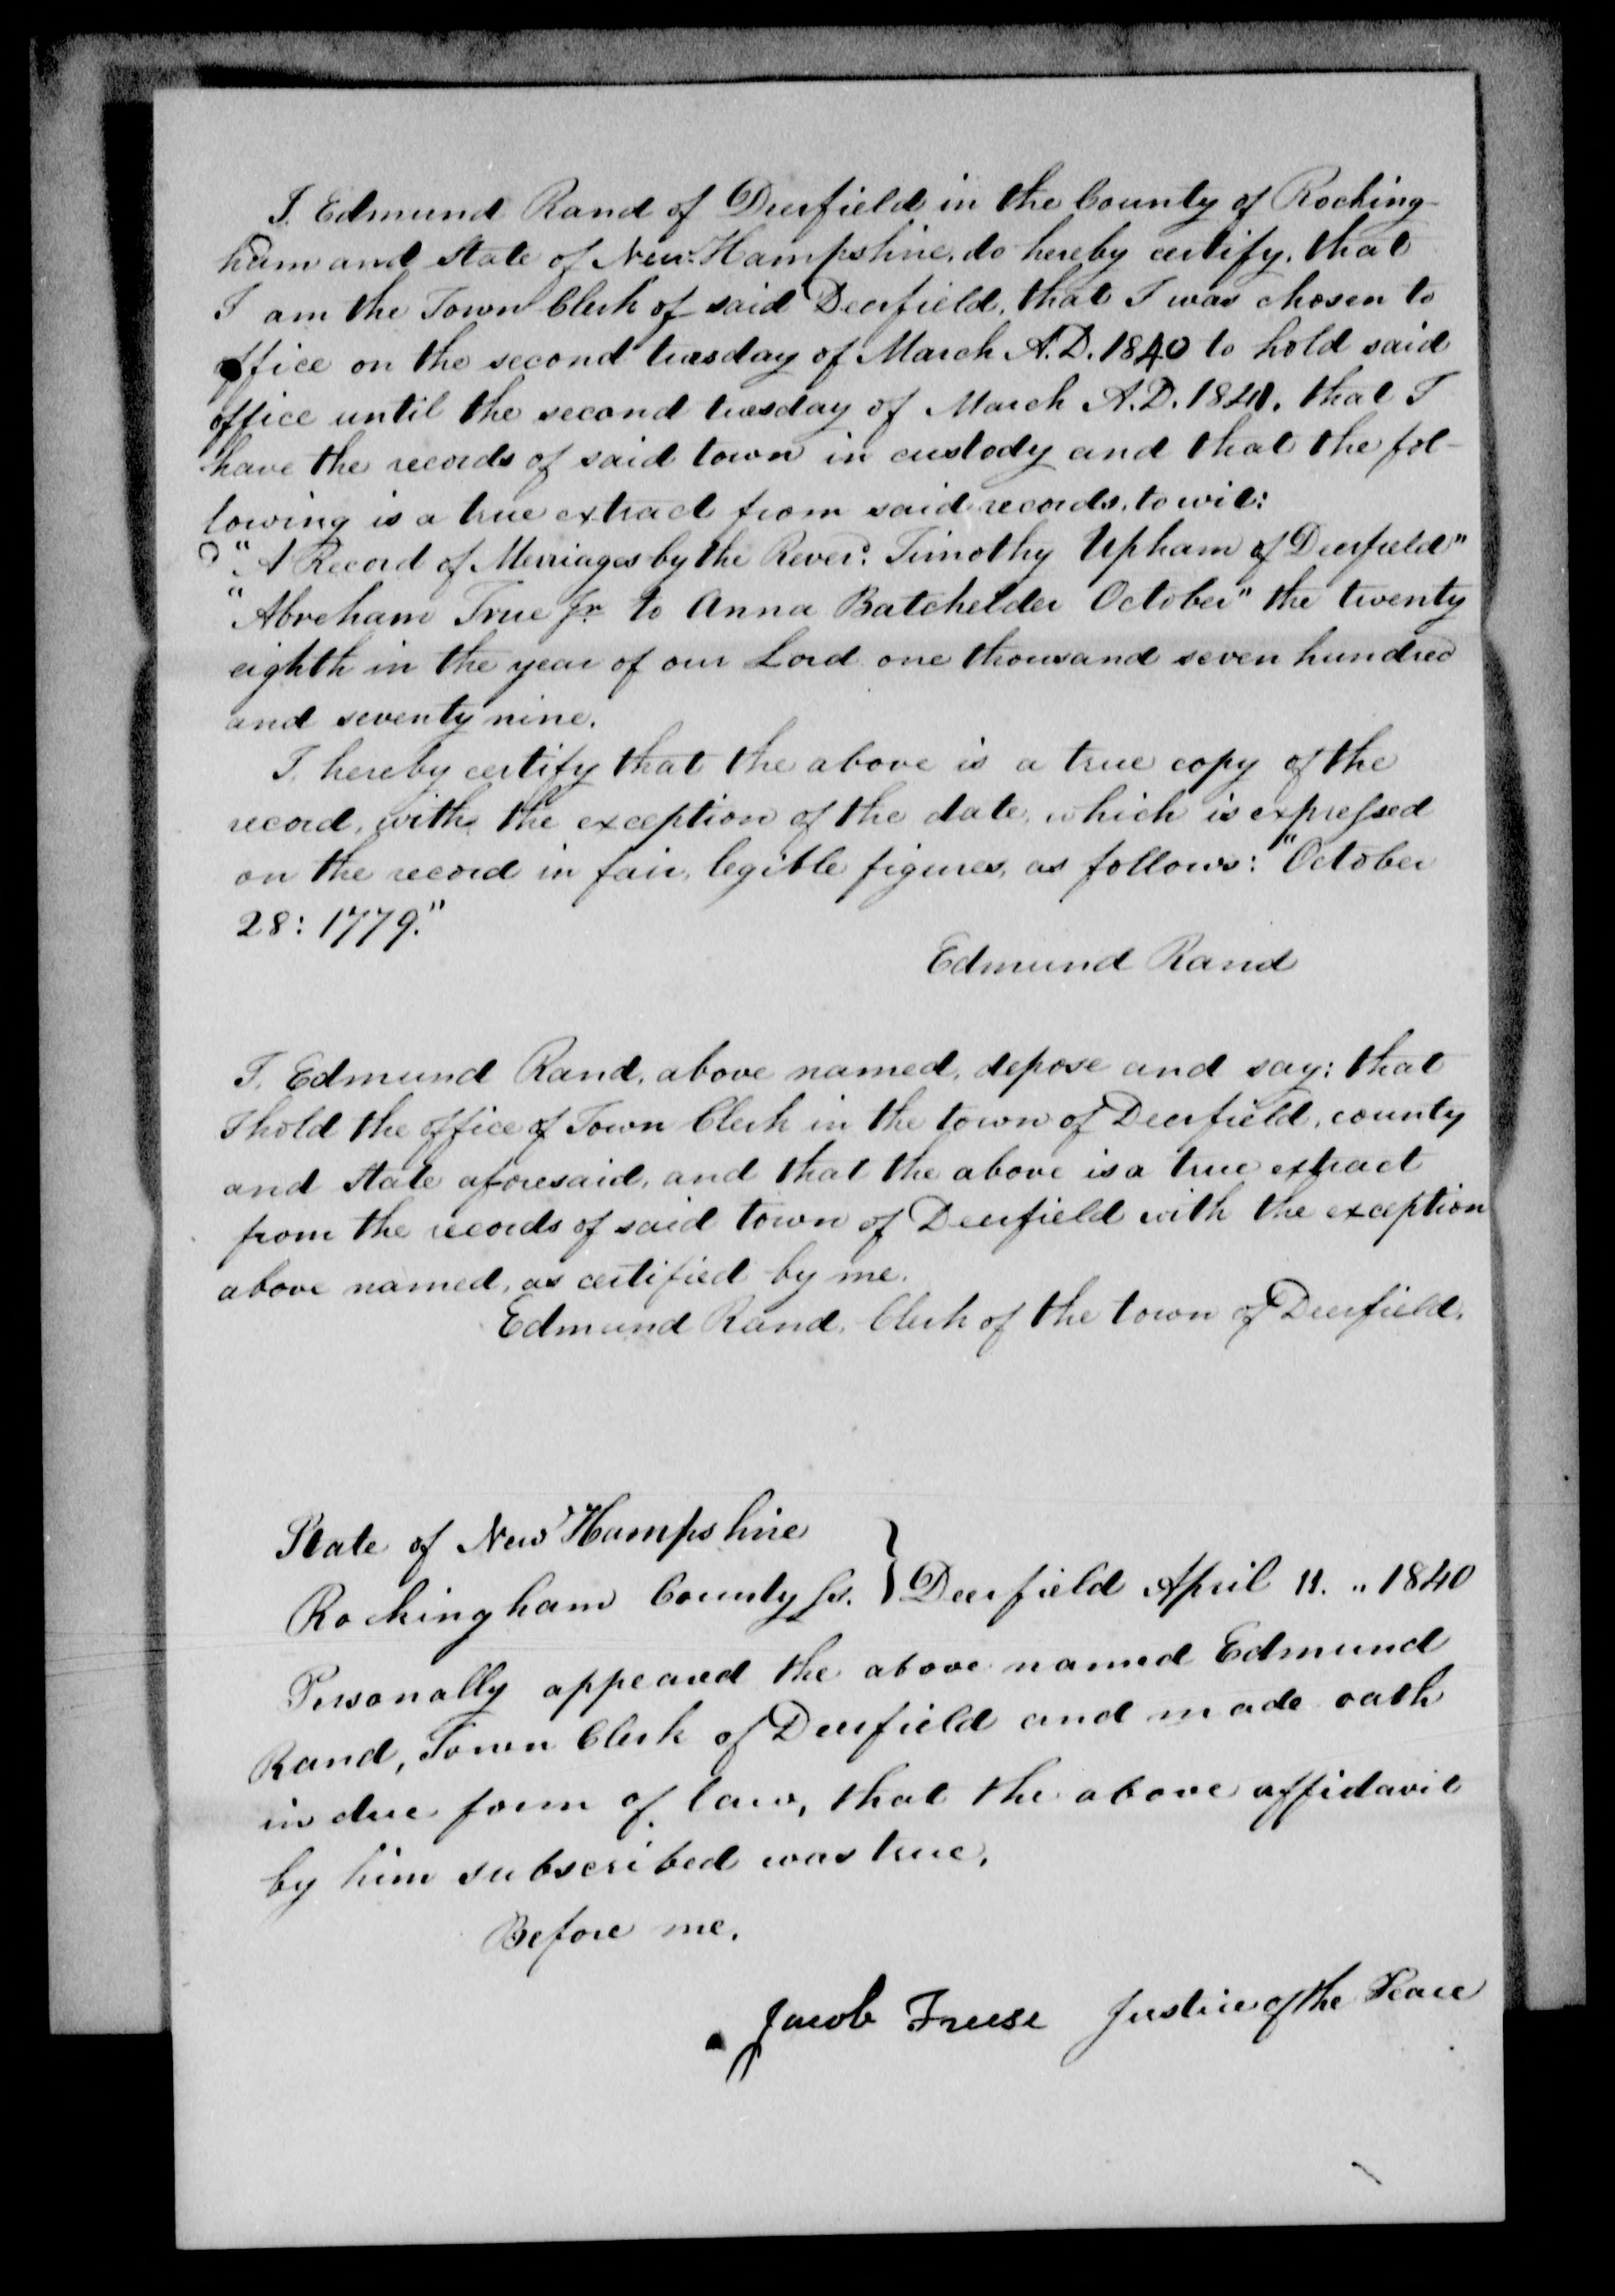I Edmund Rand of Deerfield in the Count of Rockingham and State of New Hampshire do hereby certify that I am the Town Clerk of said Deerfield, that I was chosen to office on the second Tuesday of March AD 1840 to hold said office until the second Tuesday of March AD 1841, that I have the records of said town in custody and that the following is a true extract from said records to wit;
"A Record of Marriages by the Rever. Timothy Upham of Deerfield:
Abraham True Jr. to Anna Batchelder October the twenty-eighth in the year of our Lord on thousand seven hundred and seventy-nine.
I hereby certify that the above is a true copy of the record, with the exception of the date which is expressed on the record in fair legible figures as follows: October 28: 1779
Edmund Rand

I Edmund Rand above named depose and say; that I hold the office of Town Clerk in the town of Deerfield, county and State aforesaid, and that the above is a true extract from the records of said town of Deerfield with the exception above named as certified by me.
Edmund Rand Clerk of the town of Deerfield

State of New Hampshire
Rockingham County
Deerfield April 11, 1840
Personally appeared the above named Edmund Rand, Town Clerk of Deerfield and made oath in this form of law, that the above affidavit by him subscribed was true.
Before me,
Jacob Treese Justice of the Peace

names: Abraham True, Jacob Treese, Edmund Rand, Edmund Rand, Edmund Rand, Timothy Upham, Edmund Rand, Edmund Rand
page: 9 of 24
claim: widow's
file: W. 16,451, Abraham True, N.H.